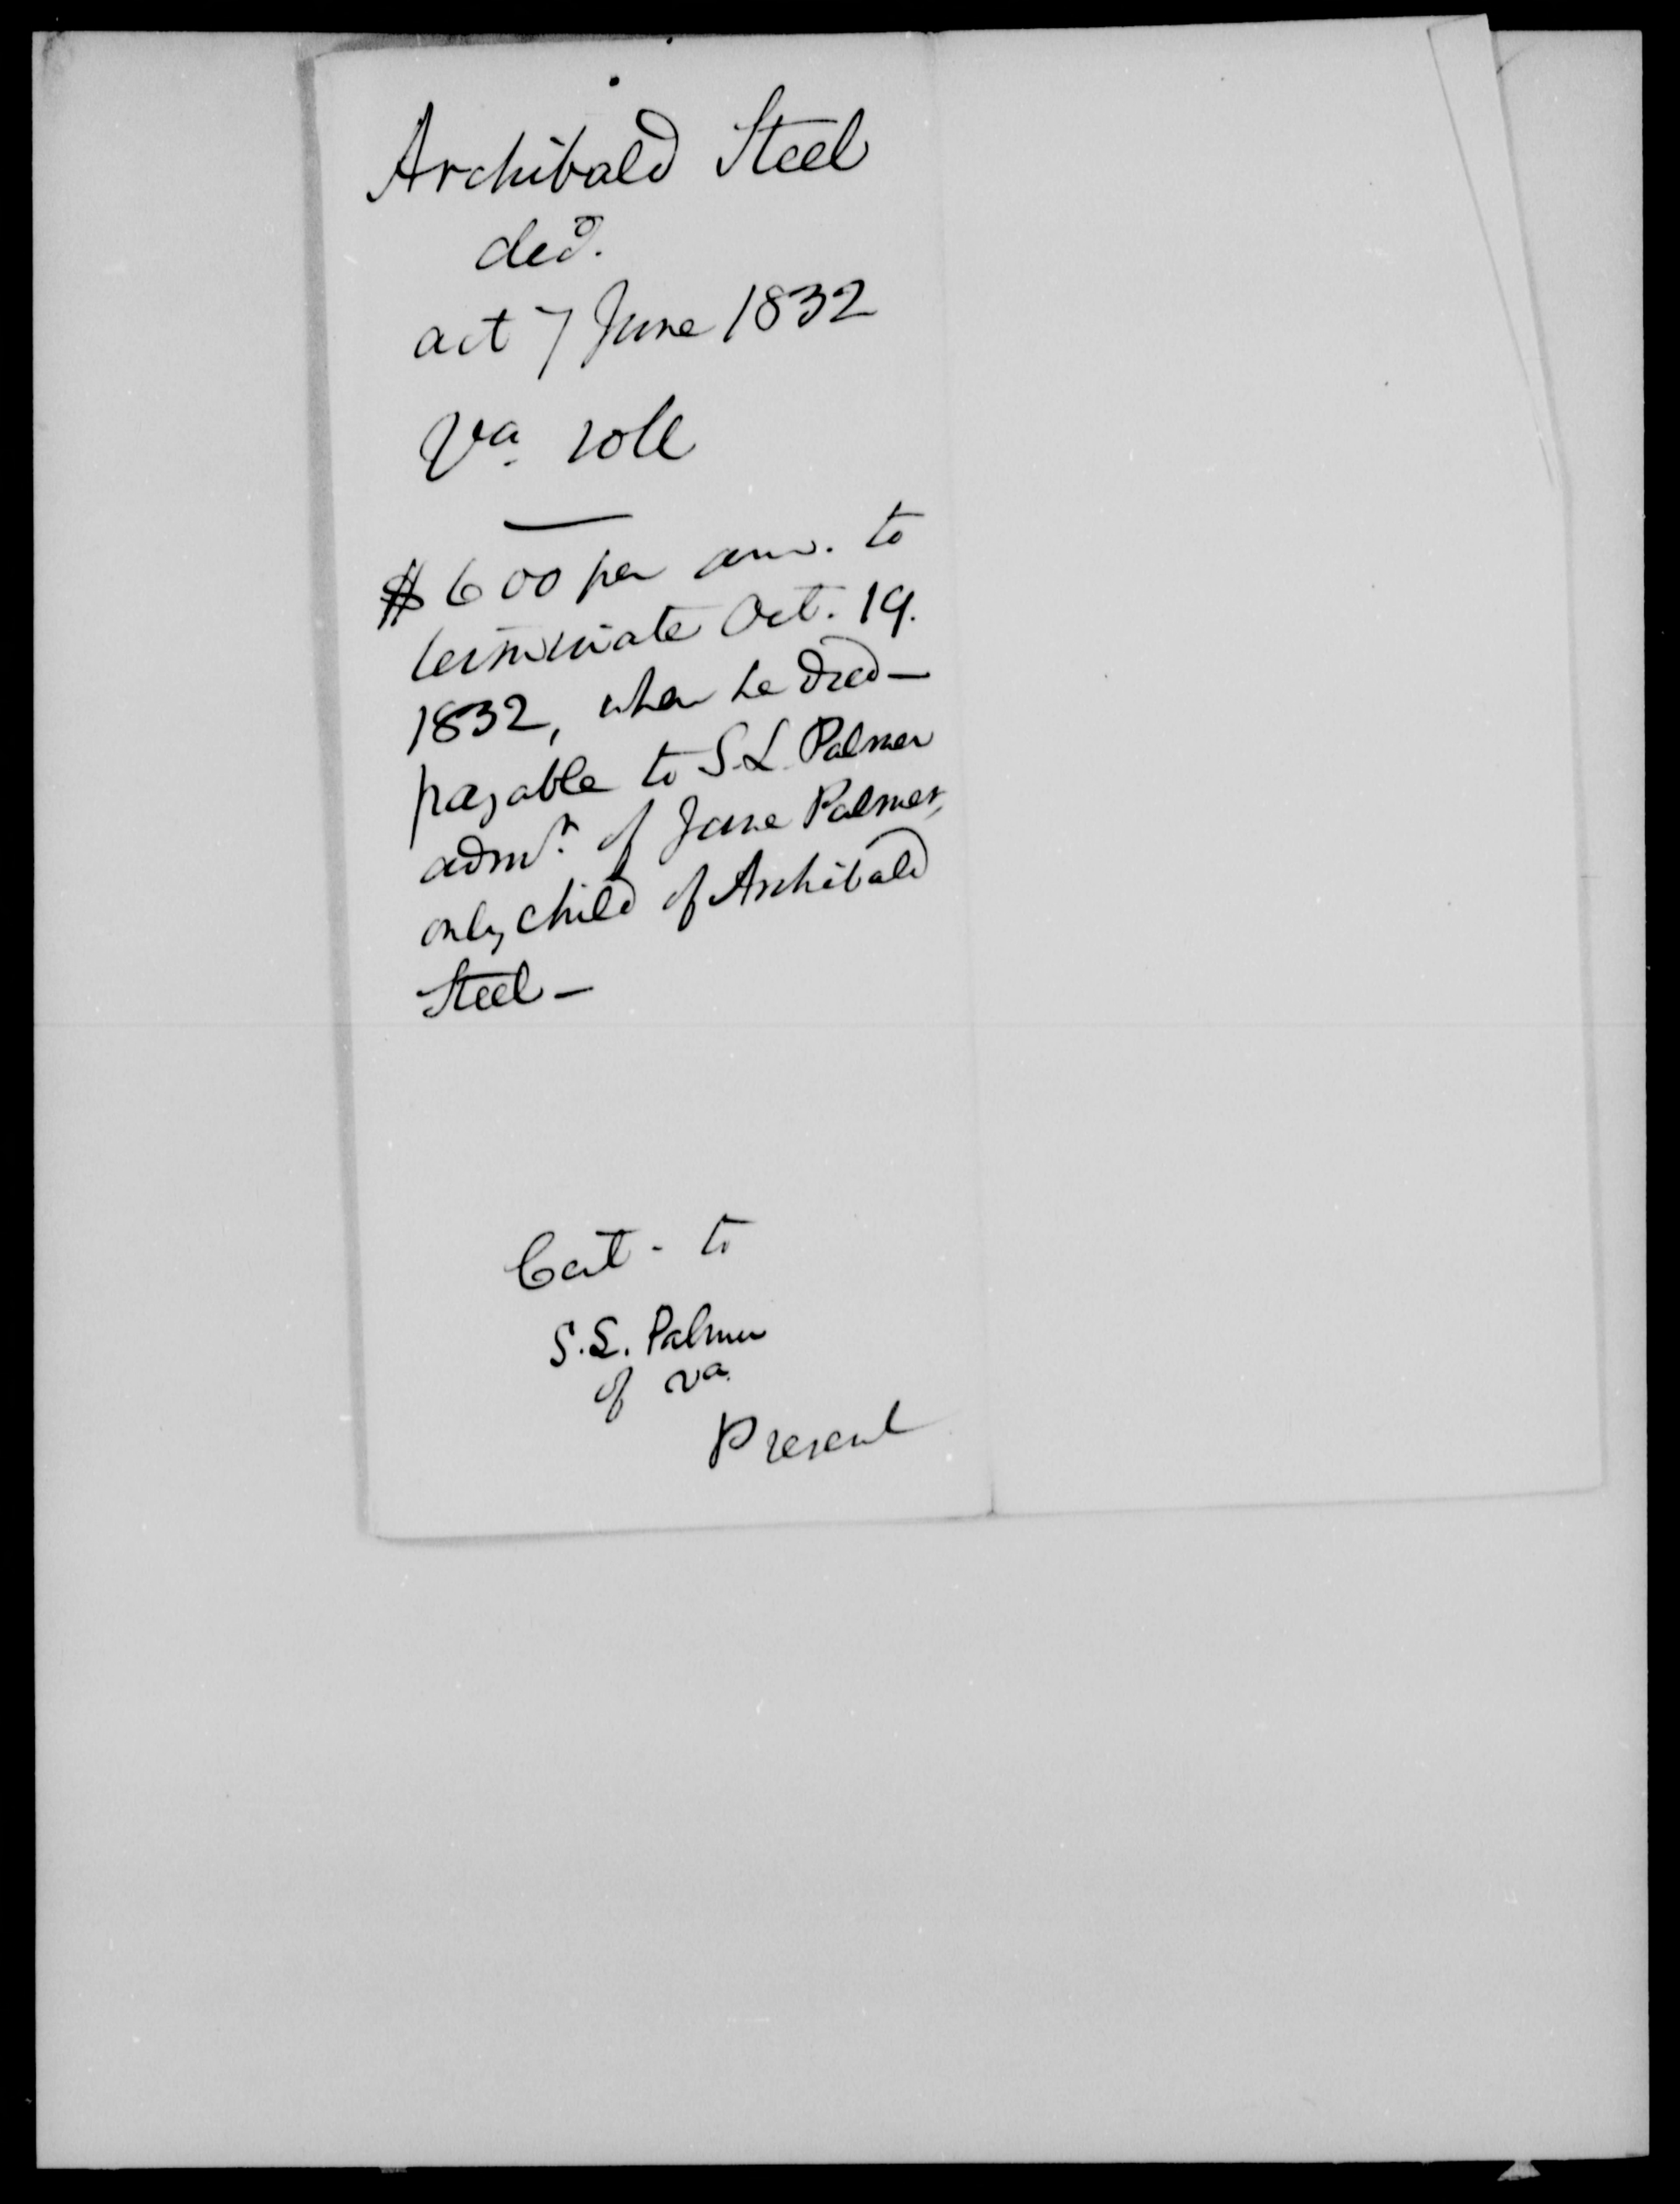Archibald Steel
deceased 7 June 1832
Va

____
$600 per ann to terminated Oct 19, 1832 when he died, payable to S L Palmer, administrator of Jane Palmer, only child of Archibald Steel

Cert to S L Palmer of Va
Present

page: 26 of 28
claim: survivor's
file: S. 7601, for Archibald Steel, Pennsylvania